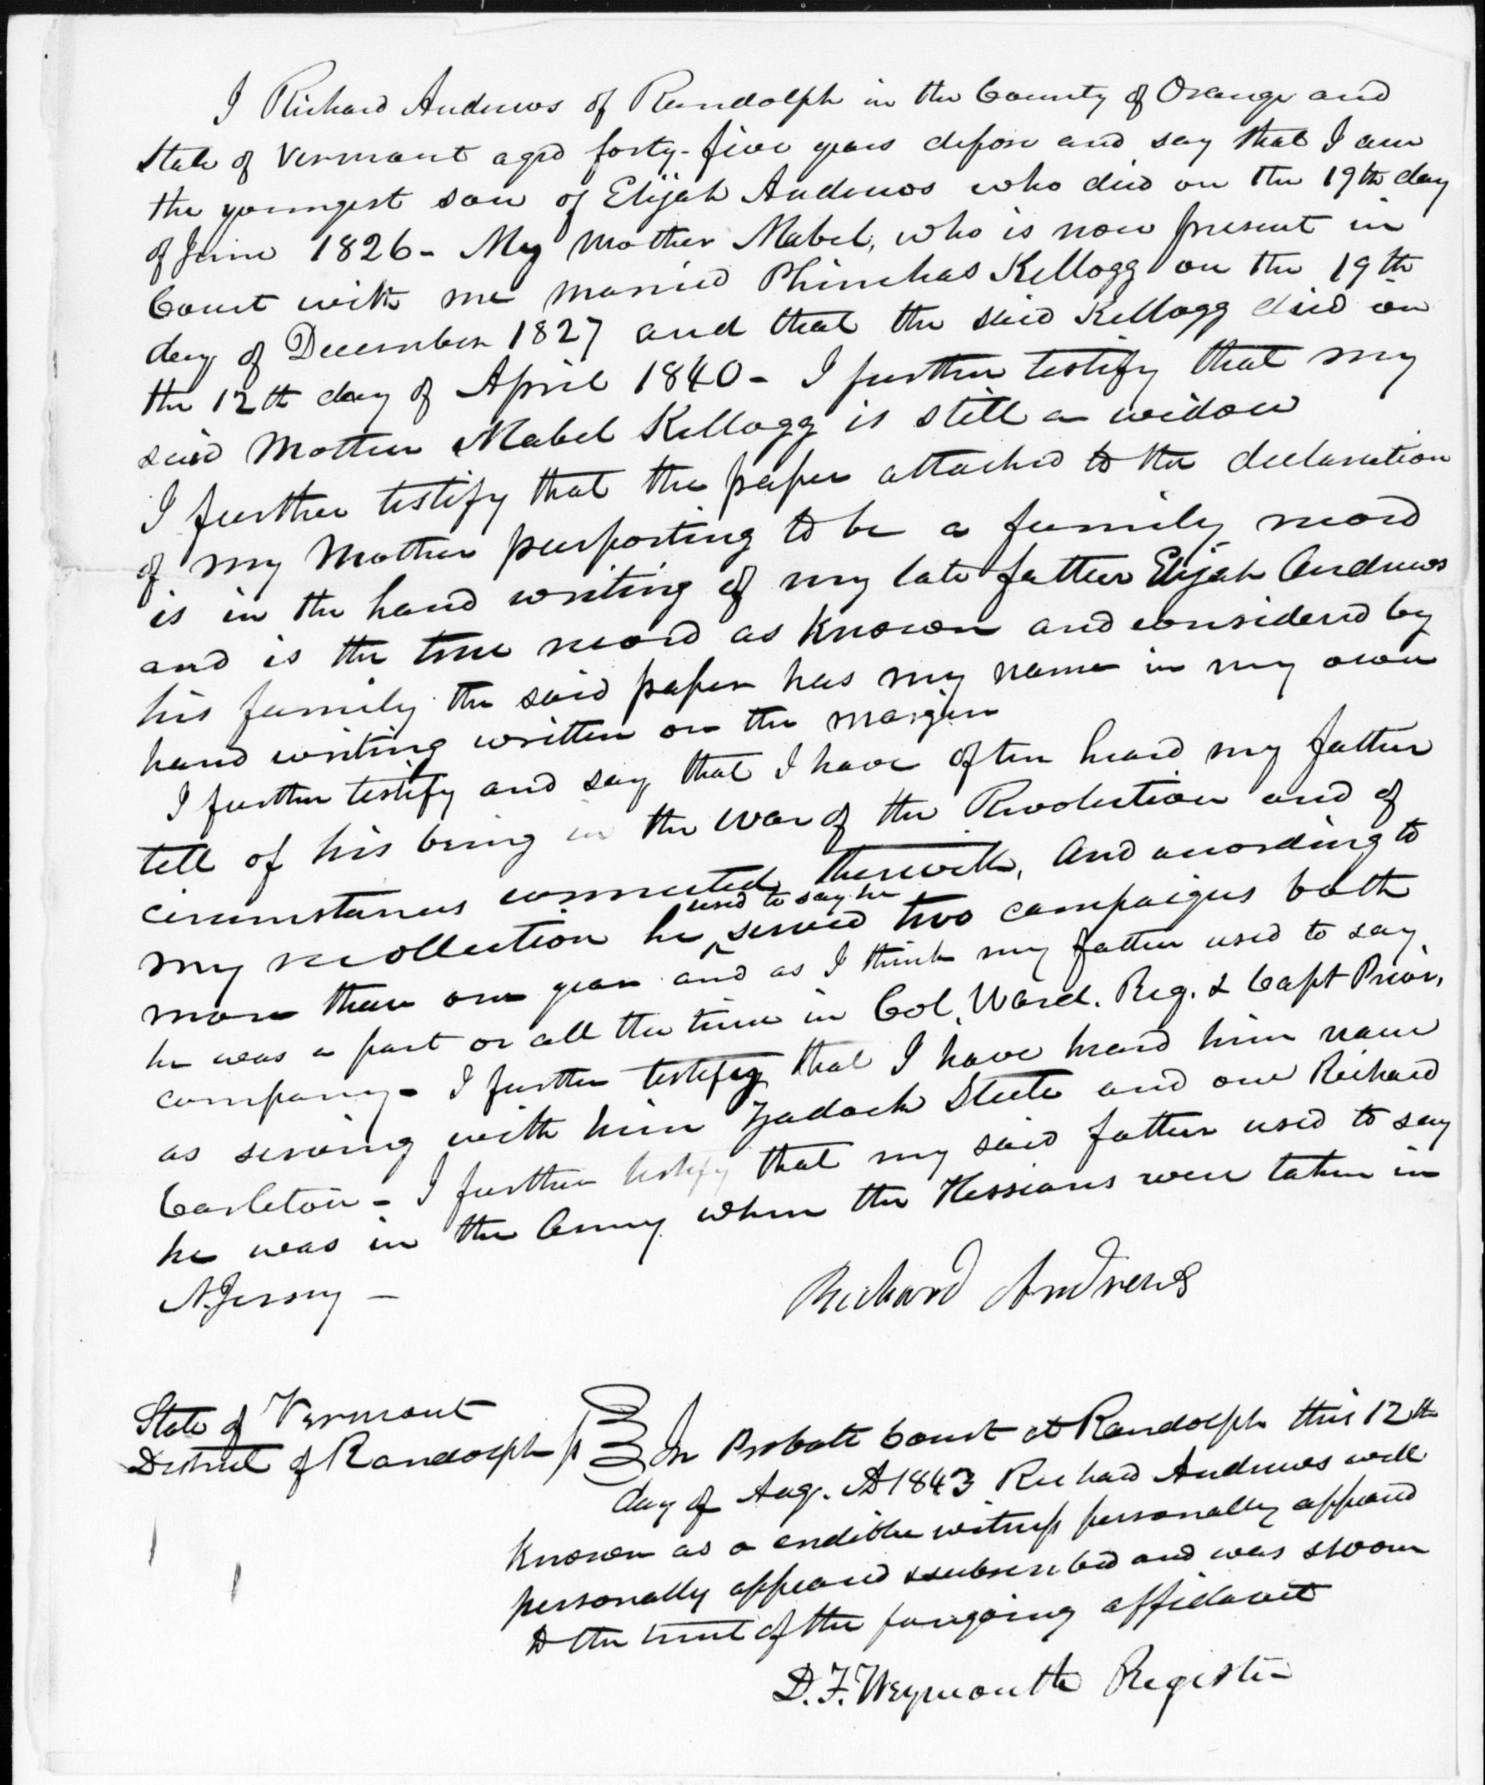I Richard Andrews of Randolph in the County of Orange State of Vermont aged forty-five years depose and say that I am the youngest son of Elijah Andrews who died on the 19th day of June 1826.  My mother Mabel, who is now present  in Court with me married Phinehas Kellogg on the 19th day of December 1827 and that the said Kellogg died on the 12 day of April 1840.  I further testify that my said mother Mabel Kellogg is still a widow  I further testify that the paper attached to the declaration of my mother purporting to be a family record is in the hand writing of my late father Elijah Andrews and is the true record as known and considered by his family the said paper has my name in my own hand writing written on the margin
I further testify and say that I have often heard my father tell of his being in the war of the Revolution and of circumstances connected therewith, And according to my recollection he used to say he served two compaigns both more than one year and as I think  my father used to say, he was a part or all the time in Col. Ward, Reg.t Capt Priors company.  I further testify that I have heard him name as serving with him Zadach Steele and one Richard Carleton.  I further testify that my said father used to say he was in the Army when the Hessians were taken in N. Jersey.
Richard Andrews
State of Vermont
District of Randolph  Ss. )
In Probate Court at Randolph this 12th day of Aug. AD 1843 Richard Andrews well known as a credible witness personally appeared personally appeared subscribed and was sworn to the truth of the foregoing affidavit
D.F. Weymouth Register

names: Mabel, D F Weymouth, Phinehas Kellogg, Richard Andrews, Kellogg, Elijah Andrews, Richard Andrews, Richard Andrews, Richard Carleton, Elijah Andrews, Mabel Kellogg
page: 3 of 19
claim: rejected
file: R. 5836, Elijah Andrews, Conn.